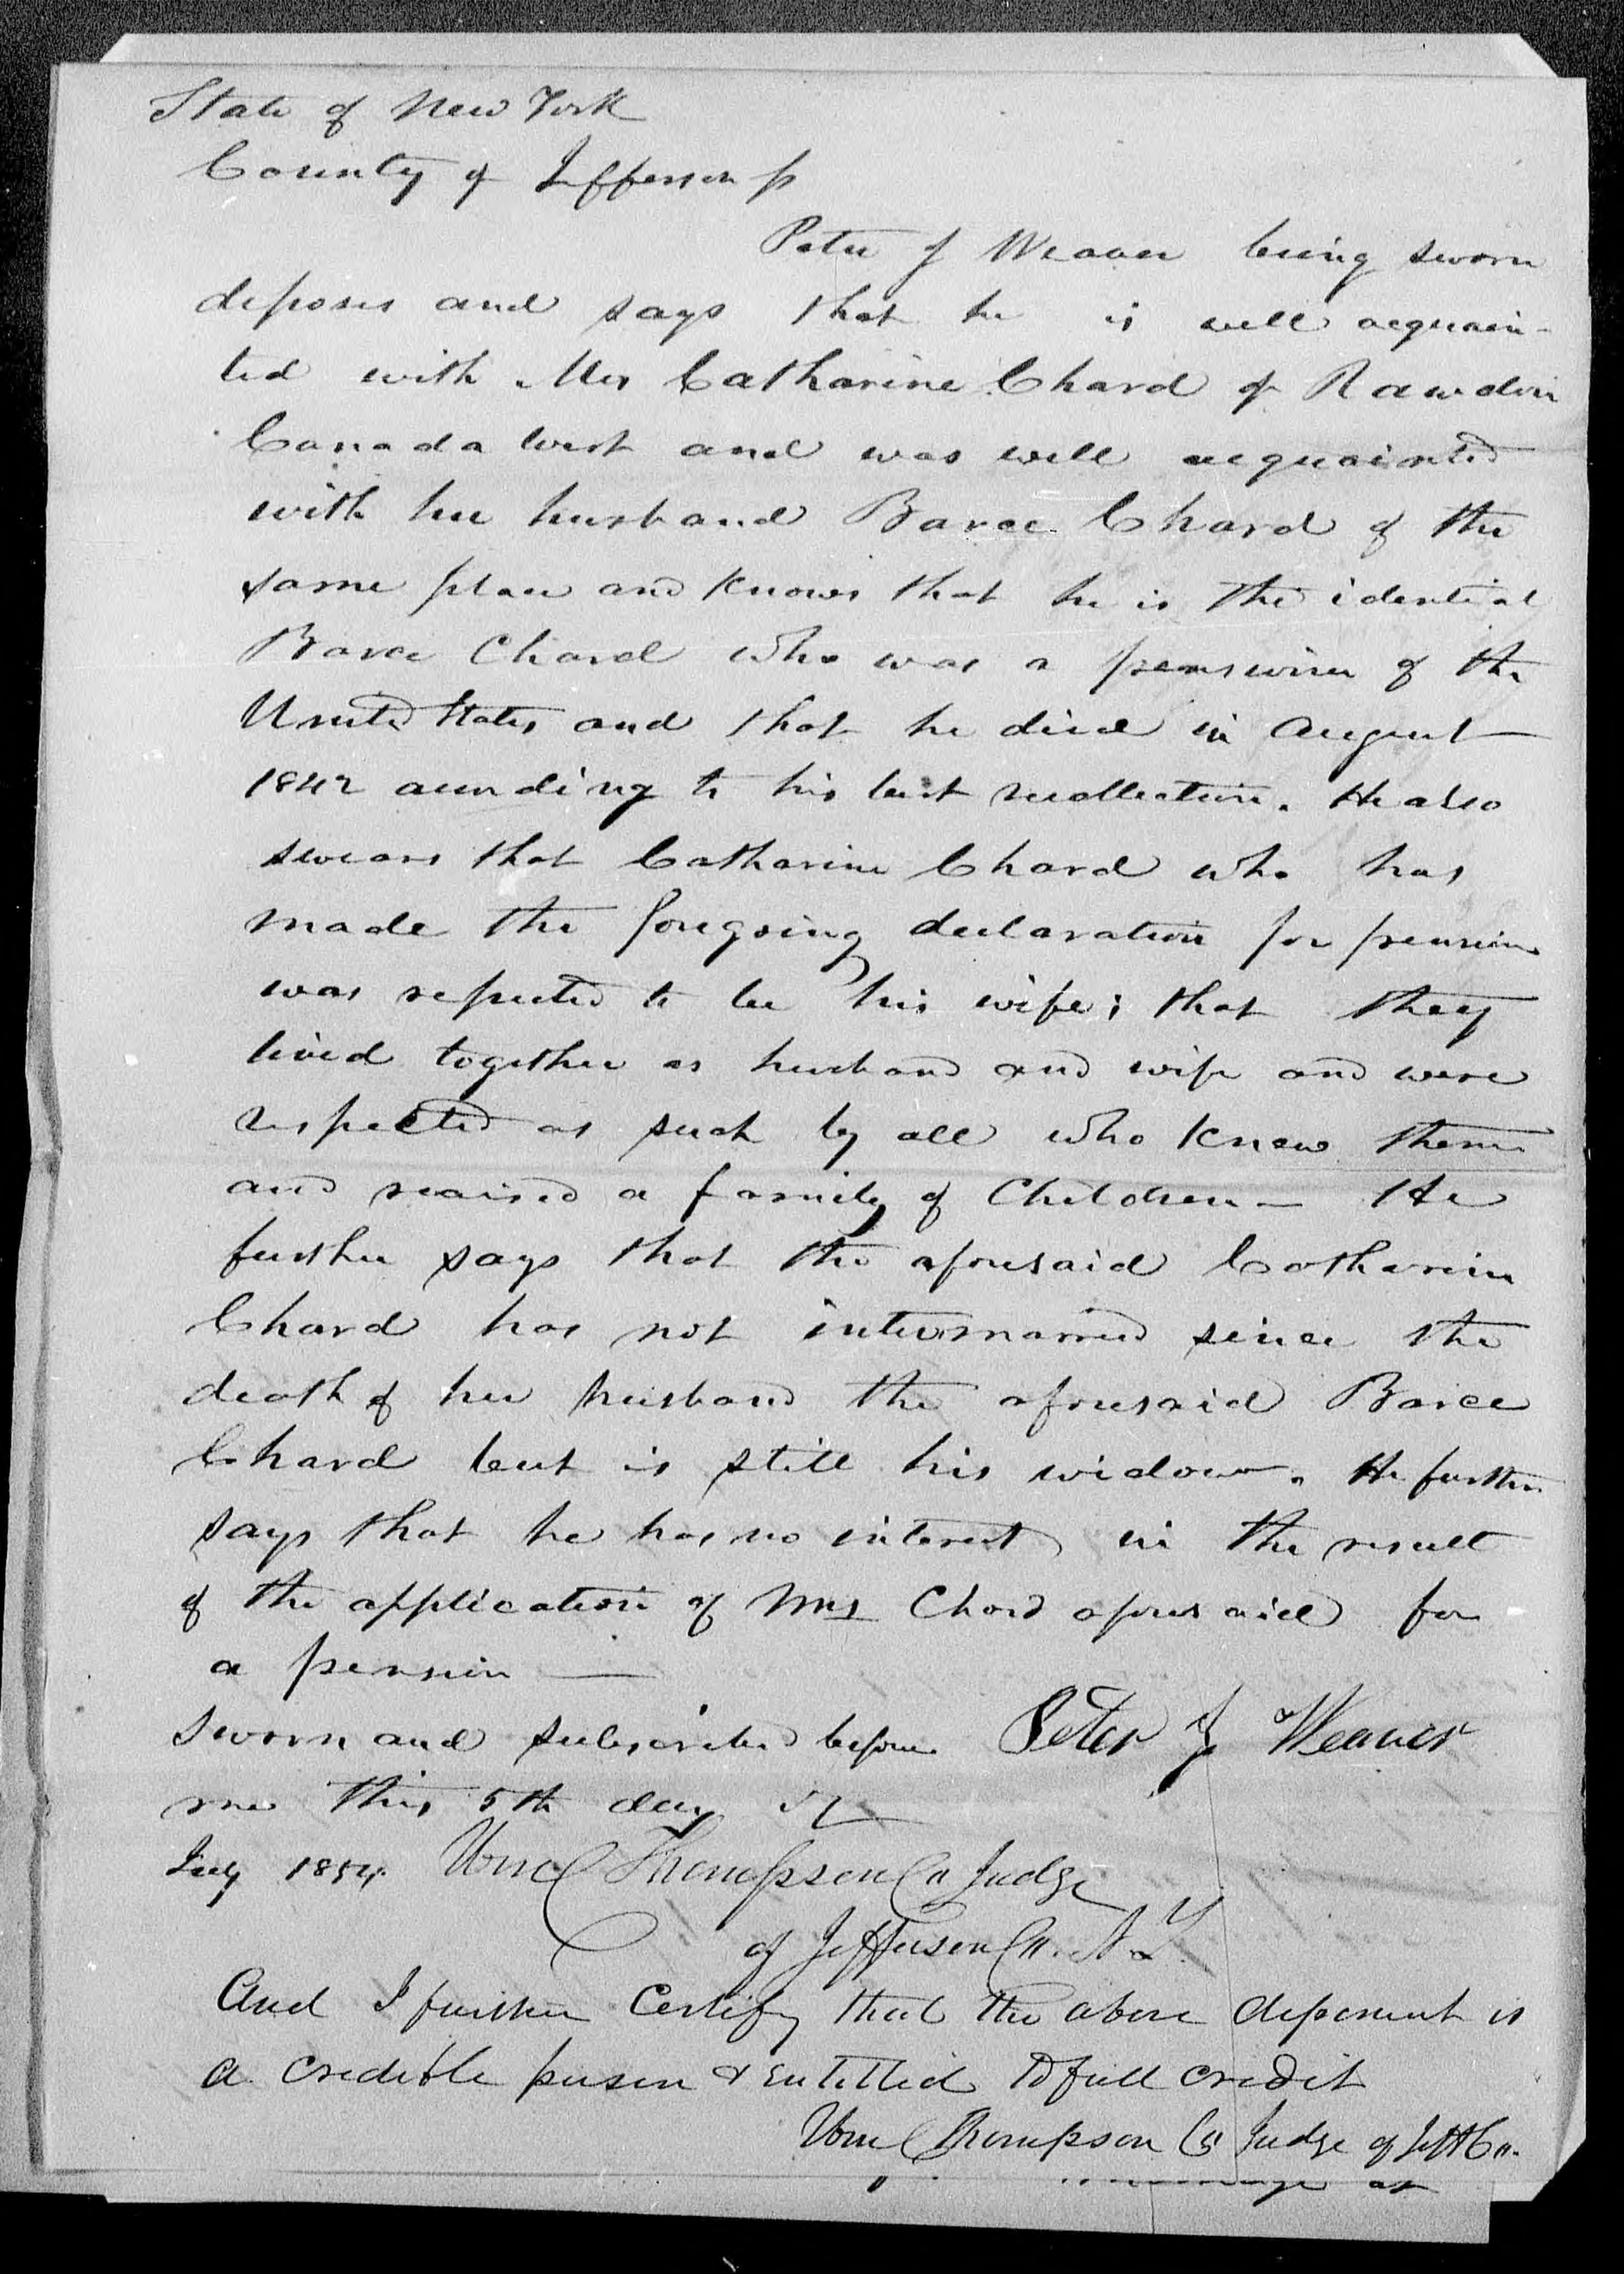State of New York 
County of Jefferson ss. 
Peter J Weaver being sworn deposes and says that he is well acquainted with Mrs Catharine Chard of Rawdon Canada West and was well acquainted with her husband Barce Chard of the same place and knows that he is the identical Barce Chard who was a pensioner of the United States and that he died in August 1842 according to his best recollection. He also swears that Catharine Chard who has made the foregoing declaration for pension was reputed to be his wife, that they lived together as husband and wife and were respected as such by all who know them and raised a family of Children -- He further says that the aforesaid Catharine Chard has not intermarried since the death of her husband the aforesaid Barce Chard but is still his widow. He further says that he has no interest in the result of the application of Mrs Chard aforesaid for a pension. 
[Signed] Peter J. Weaver
Sworn and subscribed before me this 5th day Jany 1854. 
[Signed] Wm C Thompson Co Judge of Jefferson Co N.Y. 
And I further certify that the above deponent is a credible person & entitled to full credit 
[Signed] Wm C Thompson Judge of Jeff Co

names: Catharine Chard, Thompson, Peter J Weaver, Chard, Catharine Chard, Barce Chard, Barce Chard, Barce Chard, Thompson, Catharine Chard, Peter J Weaver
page: 11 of 47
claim: widow's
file: W. 10,602, Barce Chard, New York.